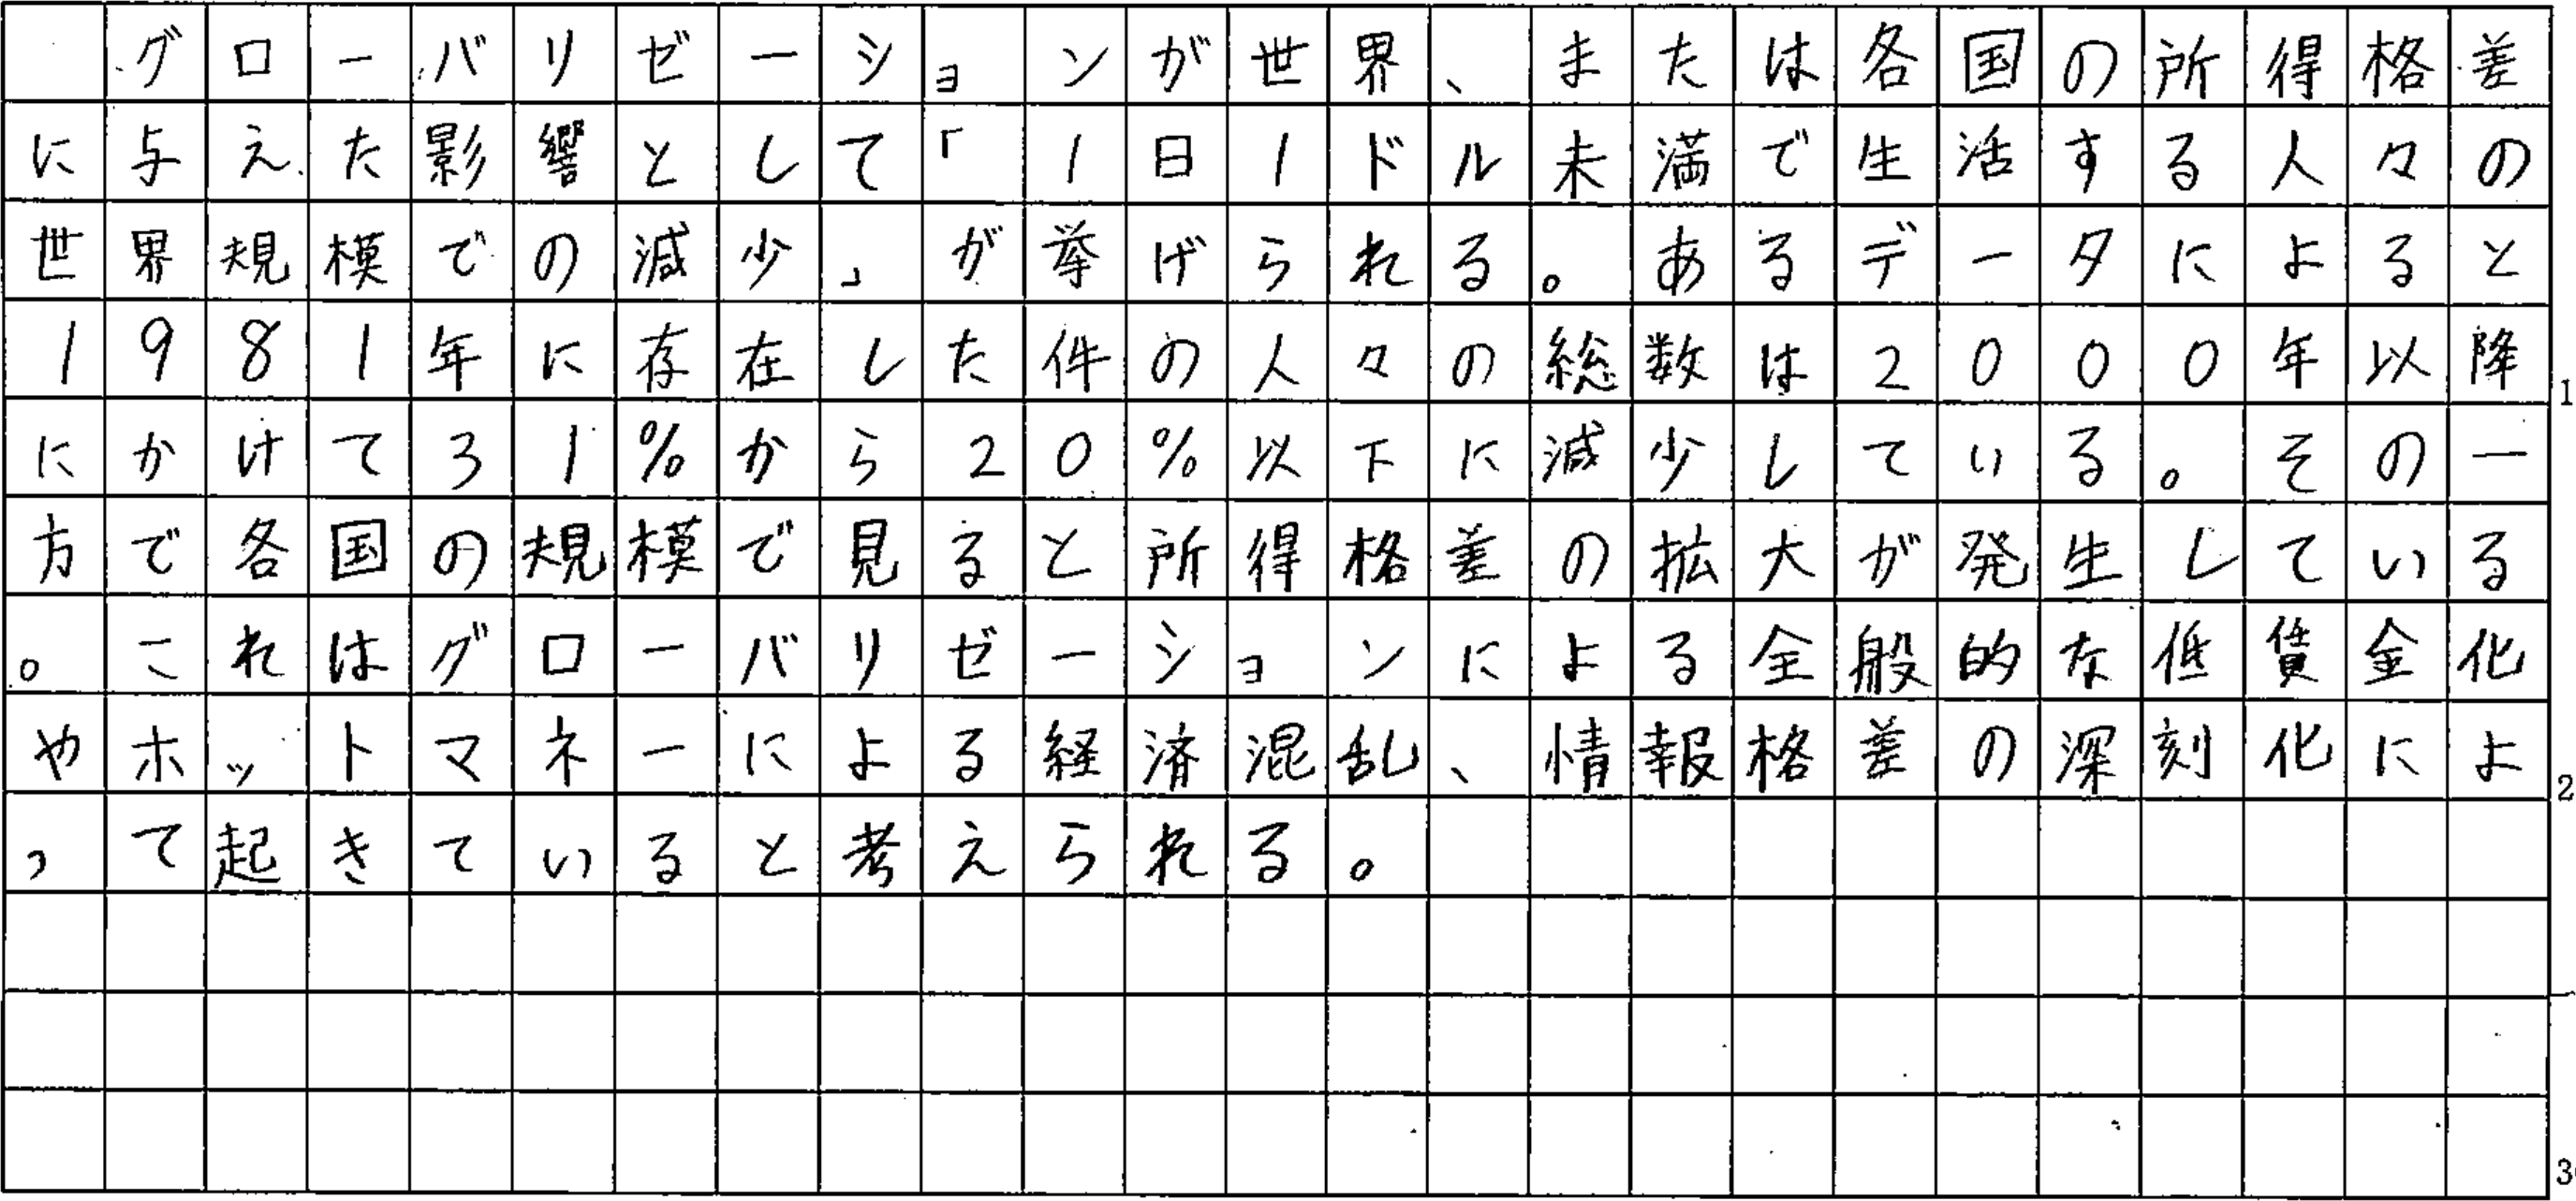　グローバリゼーションが世界、または各国の所得格差に与えた影響として「１日１ドル未満で生活する人々の世界規模での減少」が挙げられる。あるデータによると１９８１年に存在した件の人々の総数は２０００年以降にかけて３１％から２０％以下に減少している。その一方で各国の規模で見ると所得格差の拡大が発生している。これはグローバリゼーションによる全般的な低賃金化やホットマネーによる経済混乱、情報格差の深刻化によって起きていると考えられる。
